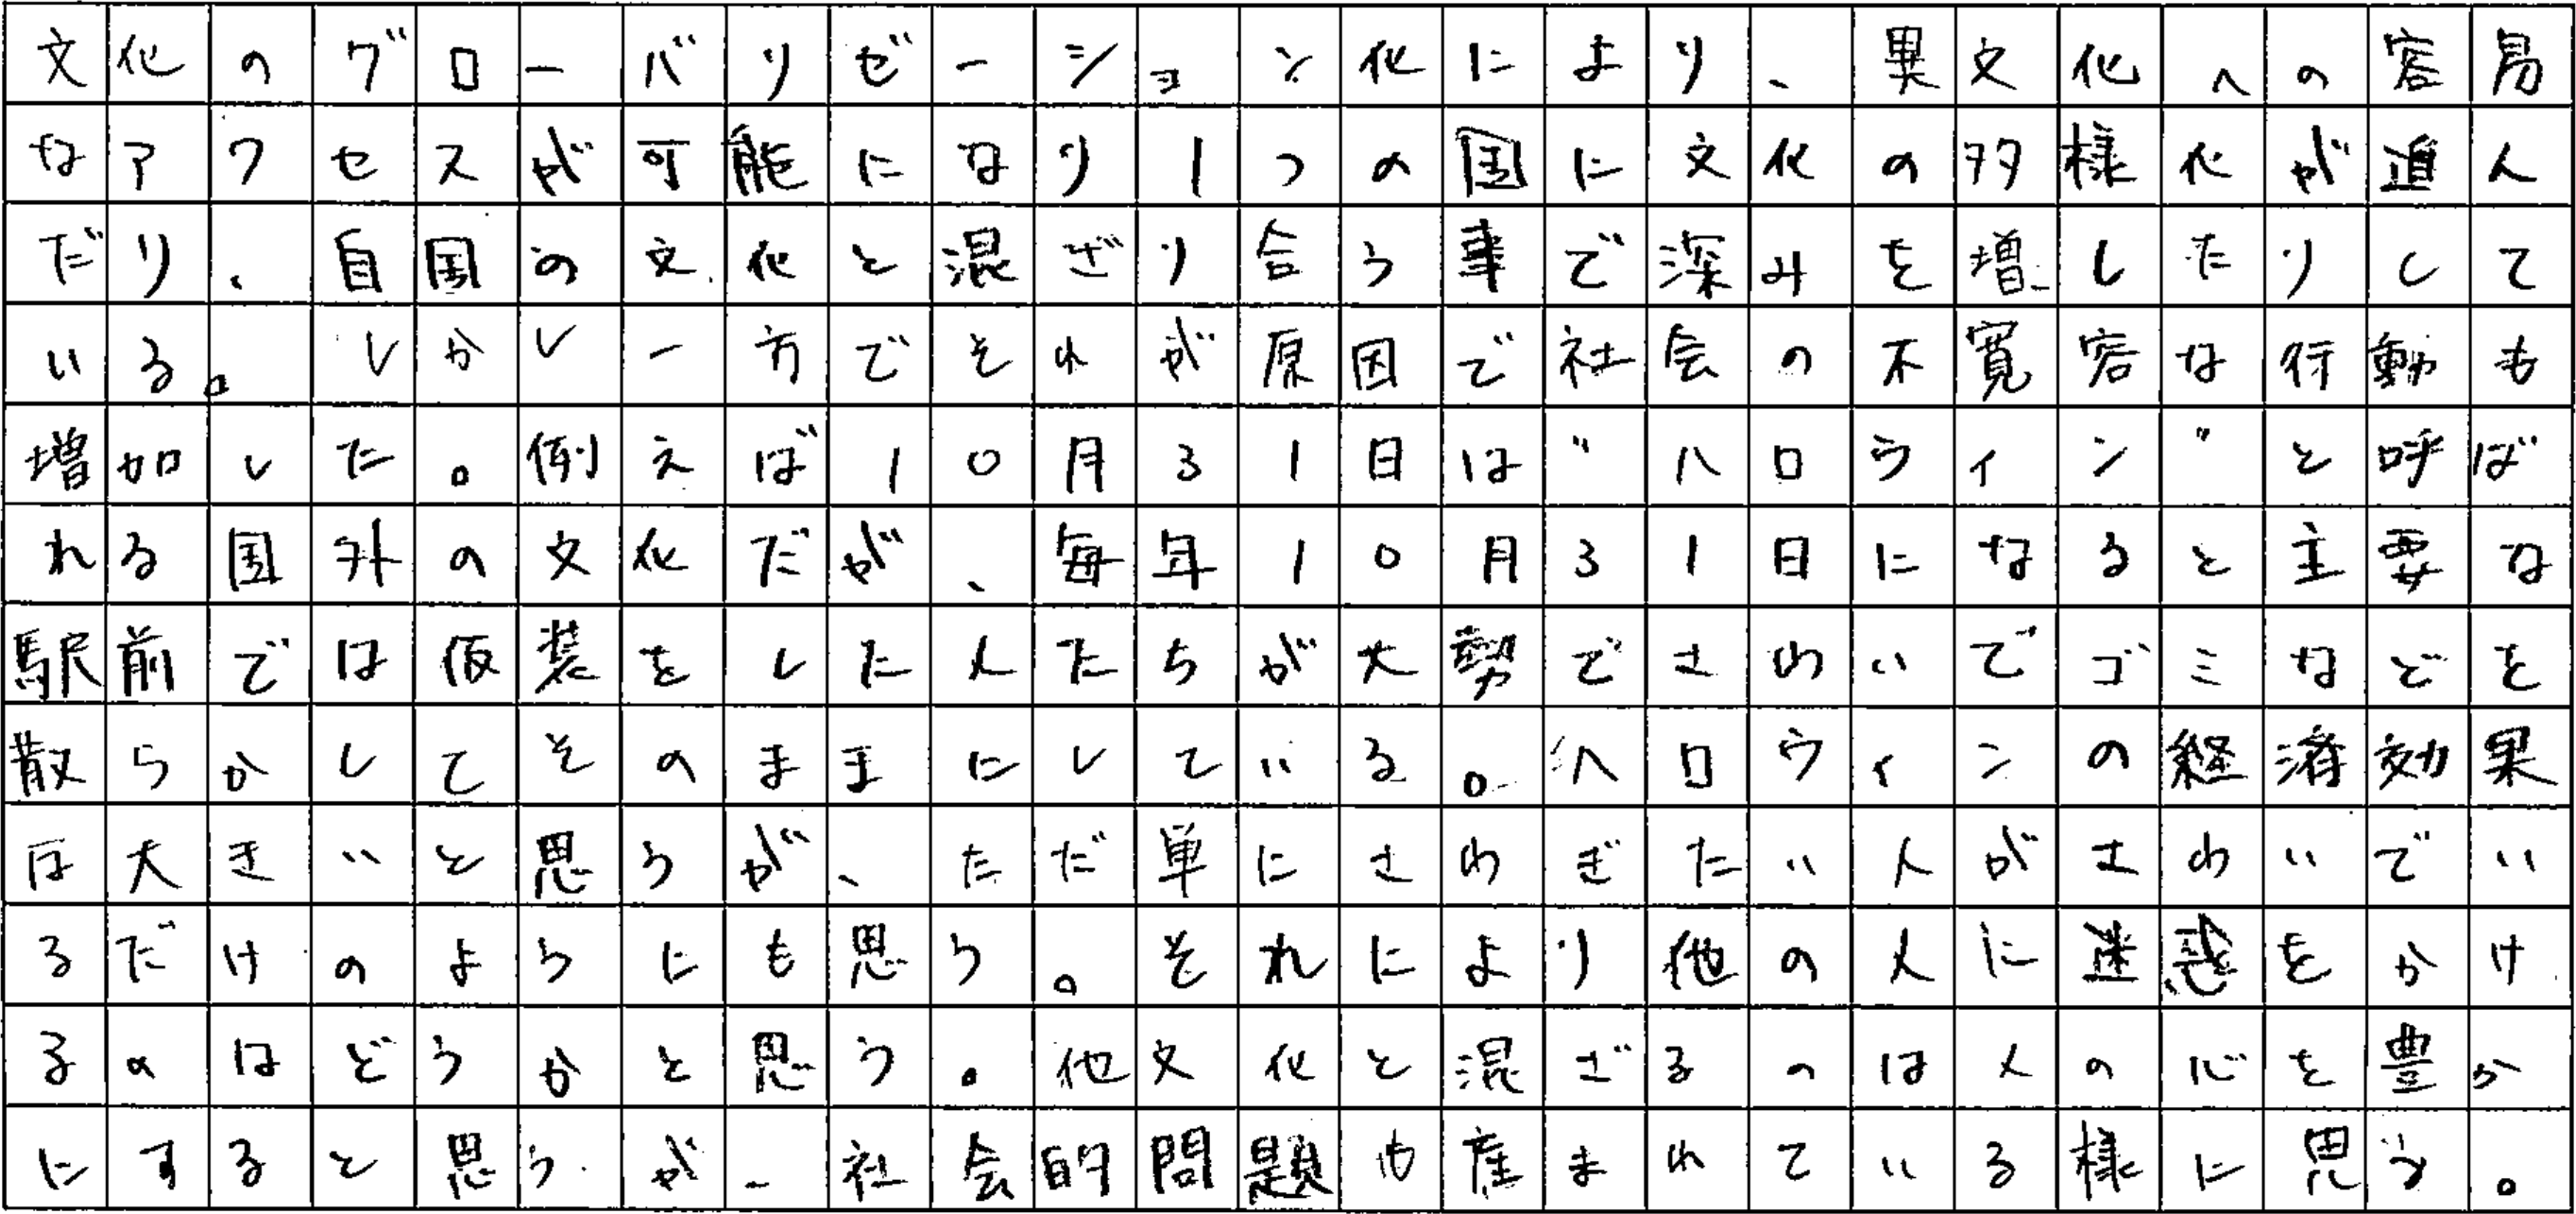文化のグローバリゼーション化により、異文化への容易なアクセスが可能になり１つの国に文化の多様化が進んだり、自国の文化と混ざり合う事で深みを増したりしている。しかし一方でそれが原因で社会の不寛容な行動も増加した。例えば１０月３１日は“ハロウィン”と呼ばれる国外の文化だが、毎年１０月３１日になると主要な駅前では仮装をした人たちが大勢でさわいでゴミなどを散らかしてそのままにしている。ハロウィンの経済効果は大きいと思うが、ただ単にさわぎたい人がさわいでいるだけのようにも思う。それにより他の人に迷惑をかけるのはどうかと思う。他文化と混ざるのは人の心を豊かにすると思うが、社会的問題も産まれている様に思う。
